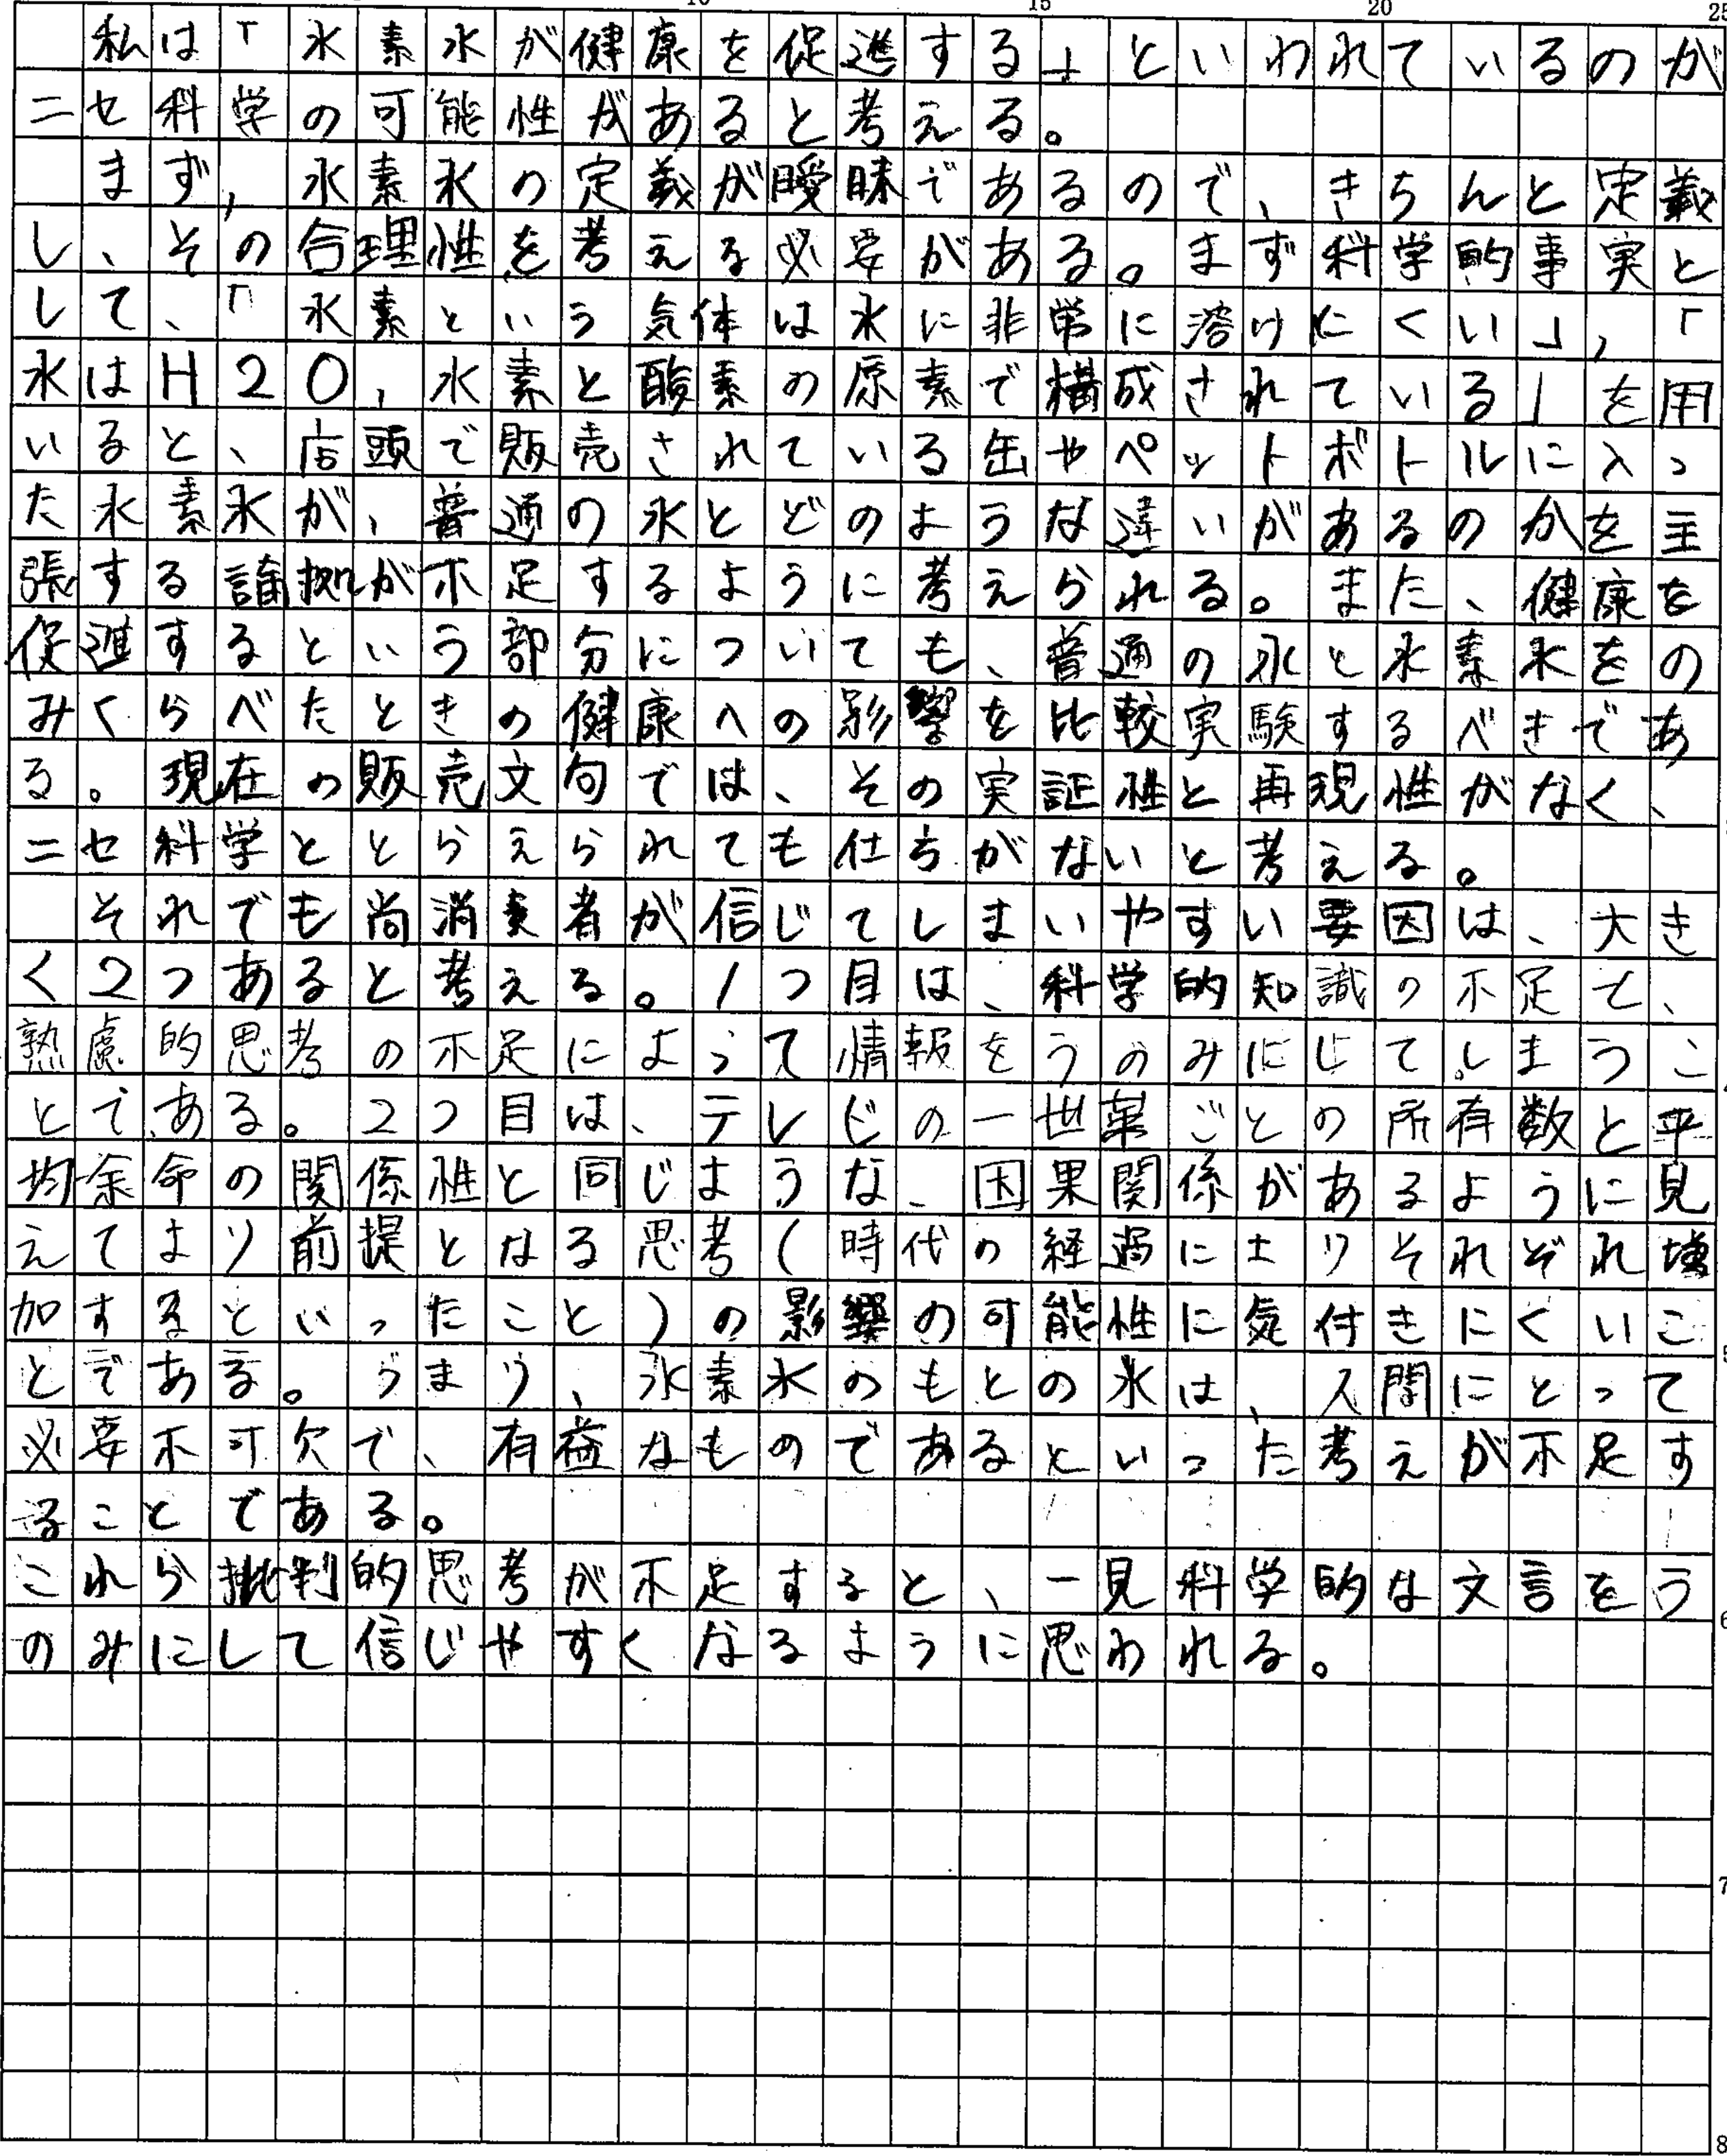　私は「水素水が健康を促進する」といわれているのがニセ科学の可能性があると考える。
　まず、水素水の定義が曖昧であるので、きちんと定義し、その合理性を考える必要がある。まず科学的事実として、「水素という気体は水に非常に溶けにくい」、「水はＨ２Ｏ、水素と酸素の原素で構成されている」を用いると、店頭で販売されている缶やペットボトルに入った水素水が、普通の水とどのような違いがあるのかを主張する▁拠が不足するように考えられる。また、健康を促進するという部分についても、普通の水と水素水をのみくらべたときの健康への影響を比較実験するべきである。現在の販売文句では、その実証性と再現性がなく、ニセ科学ととらえられても仕方がないと考える。
　それでも尚消費者が信じてしまいやすい要因は、大きく２つあると考える。１つ目は、科学的知識の不足と、熟慮的思考の不足によって情報をうのみにしてしまうことである。２つ目は、テレビの一世帯ごとの所有数と平均余命の関係性と同じような、因果関係があるように見えてより前提となる思考（時代の経過によりそれぞれ増加するといったこと）の影響の可能性に気付きにくいことである。つまり、水素水のもとの水は、人間にとって必要不可欠で、有益なものであるといった考えが不足することである。
これら批判的思考が不足すると、一見科学的な文言をうのみにして信じやすくなるように思われる。
